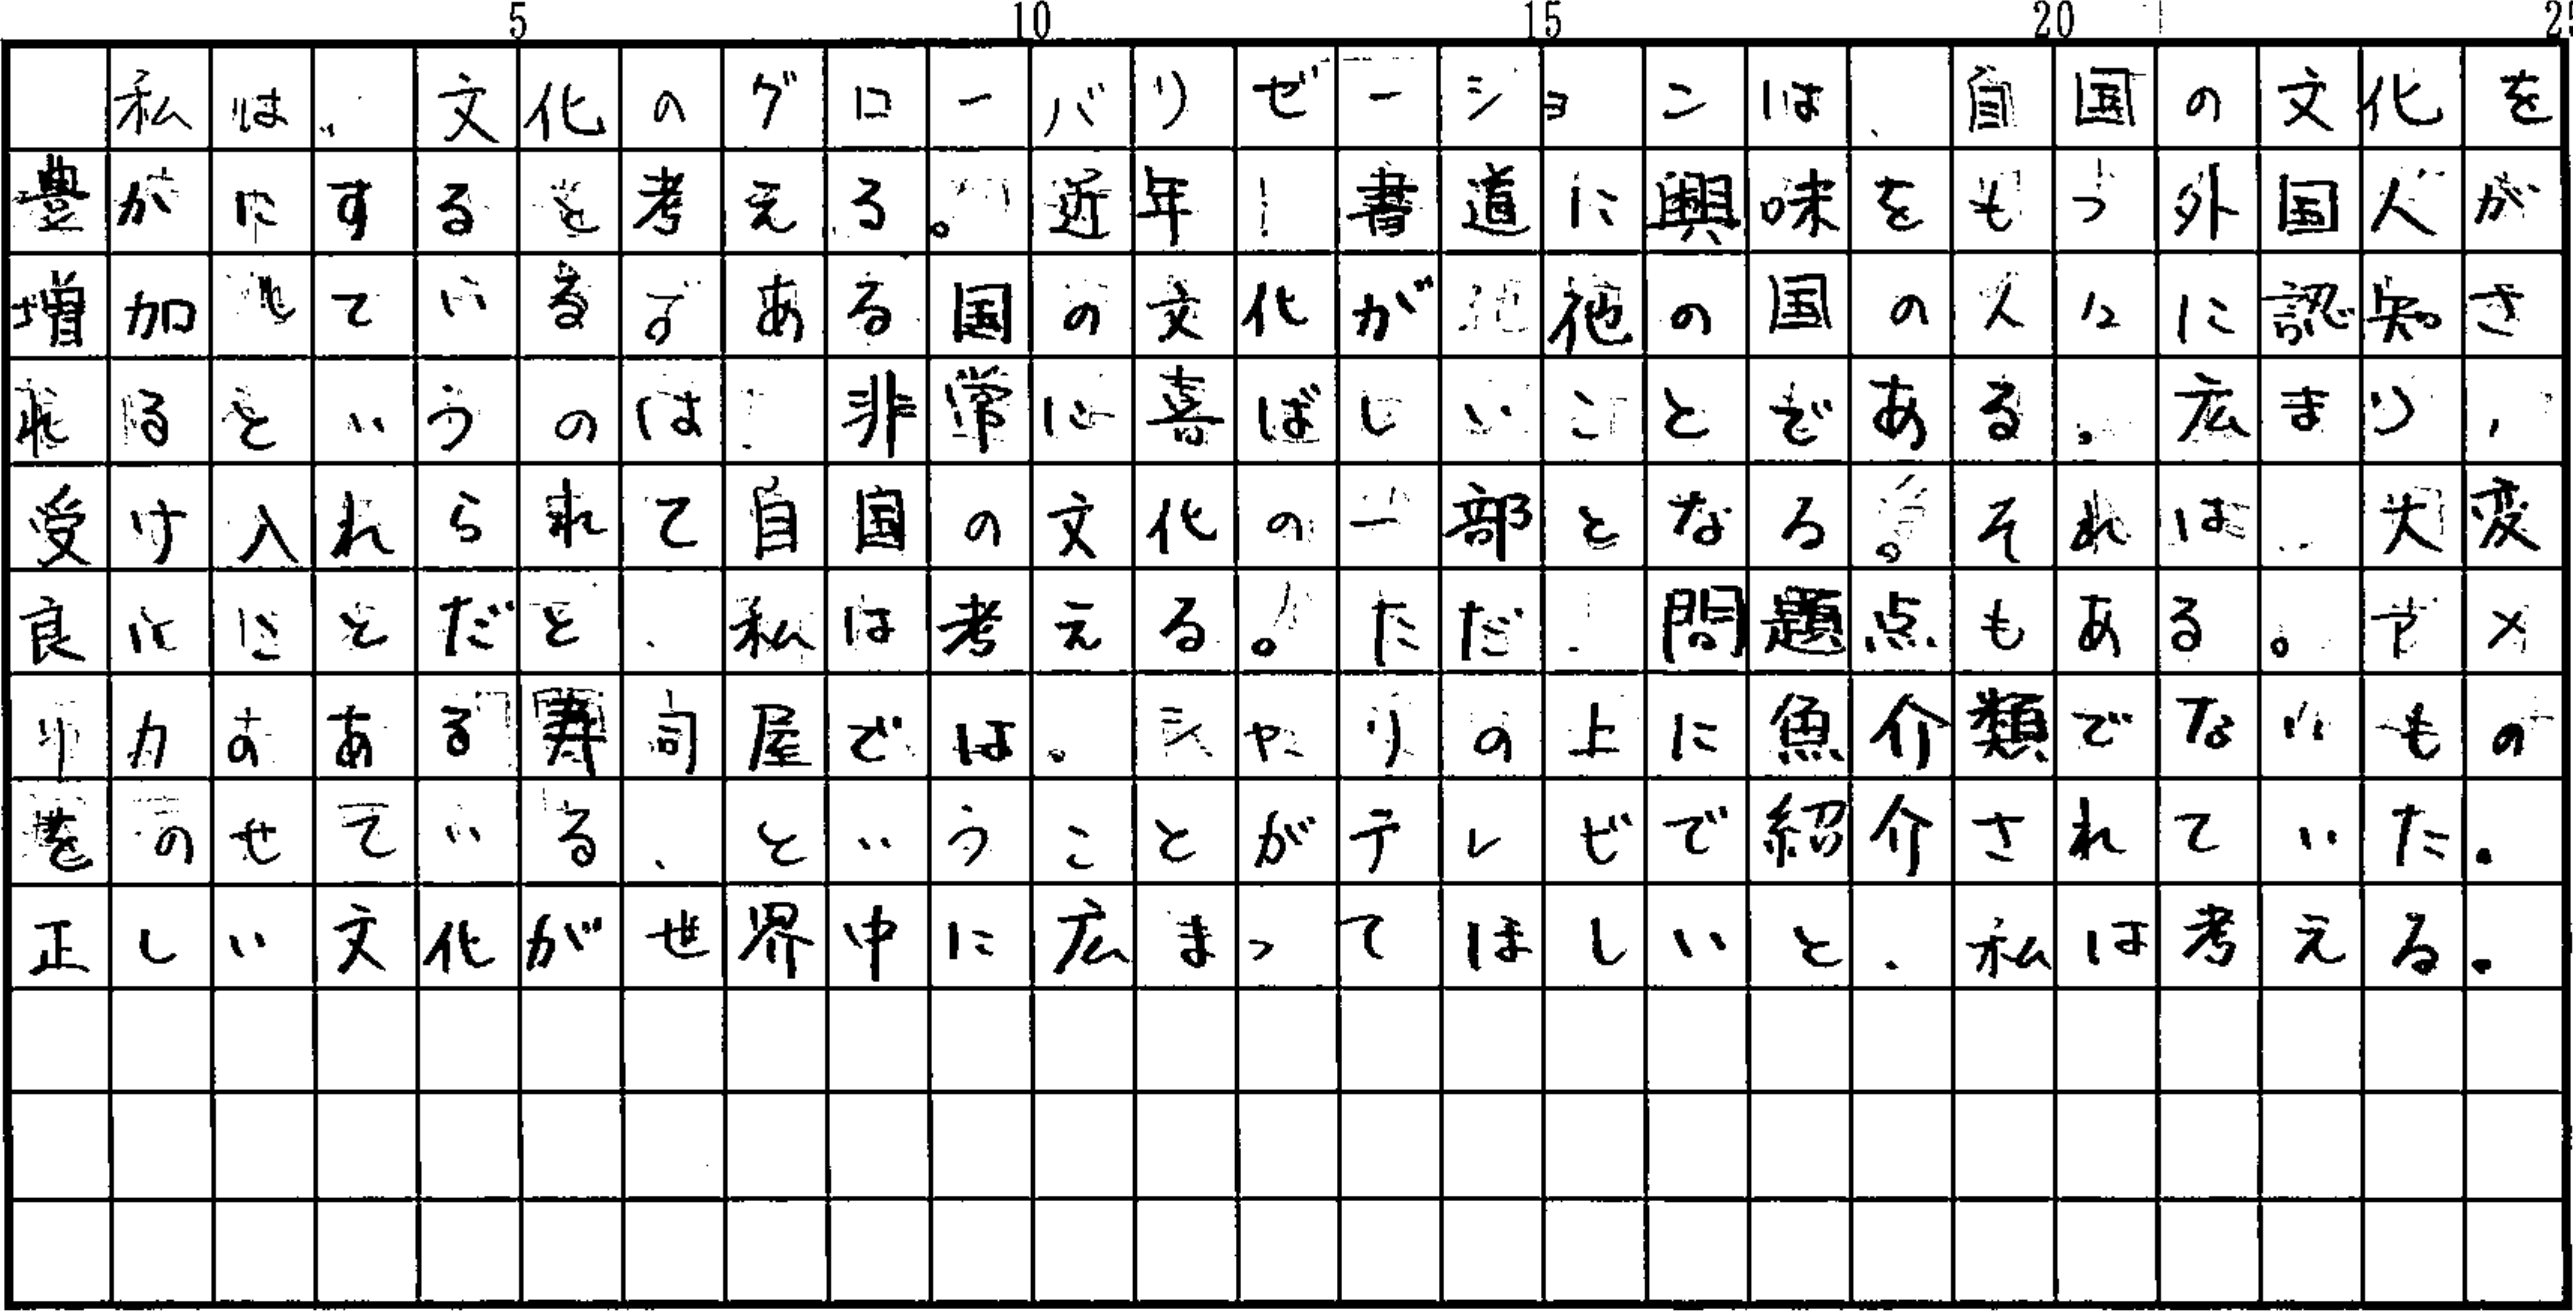　私は、文化のグローバリゼーションは、自国の文化を豊かにすると考える。近年、書道に興味をもつ外国人が増加している。ある国の文化が、他の国の人々に認知されるというのは、非常に喜ばしいことである。広まり、受け入れられて自国の文化の一部となる。それは、大変良いことだと、私は考える。ただ、問題点もある。アメリカのある寿司屋では、シャリの上に魚介類でないものをのせている、ということがテレビで紹介されていた。正しい文化が世界中に広まってほしいと、私は考える。
